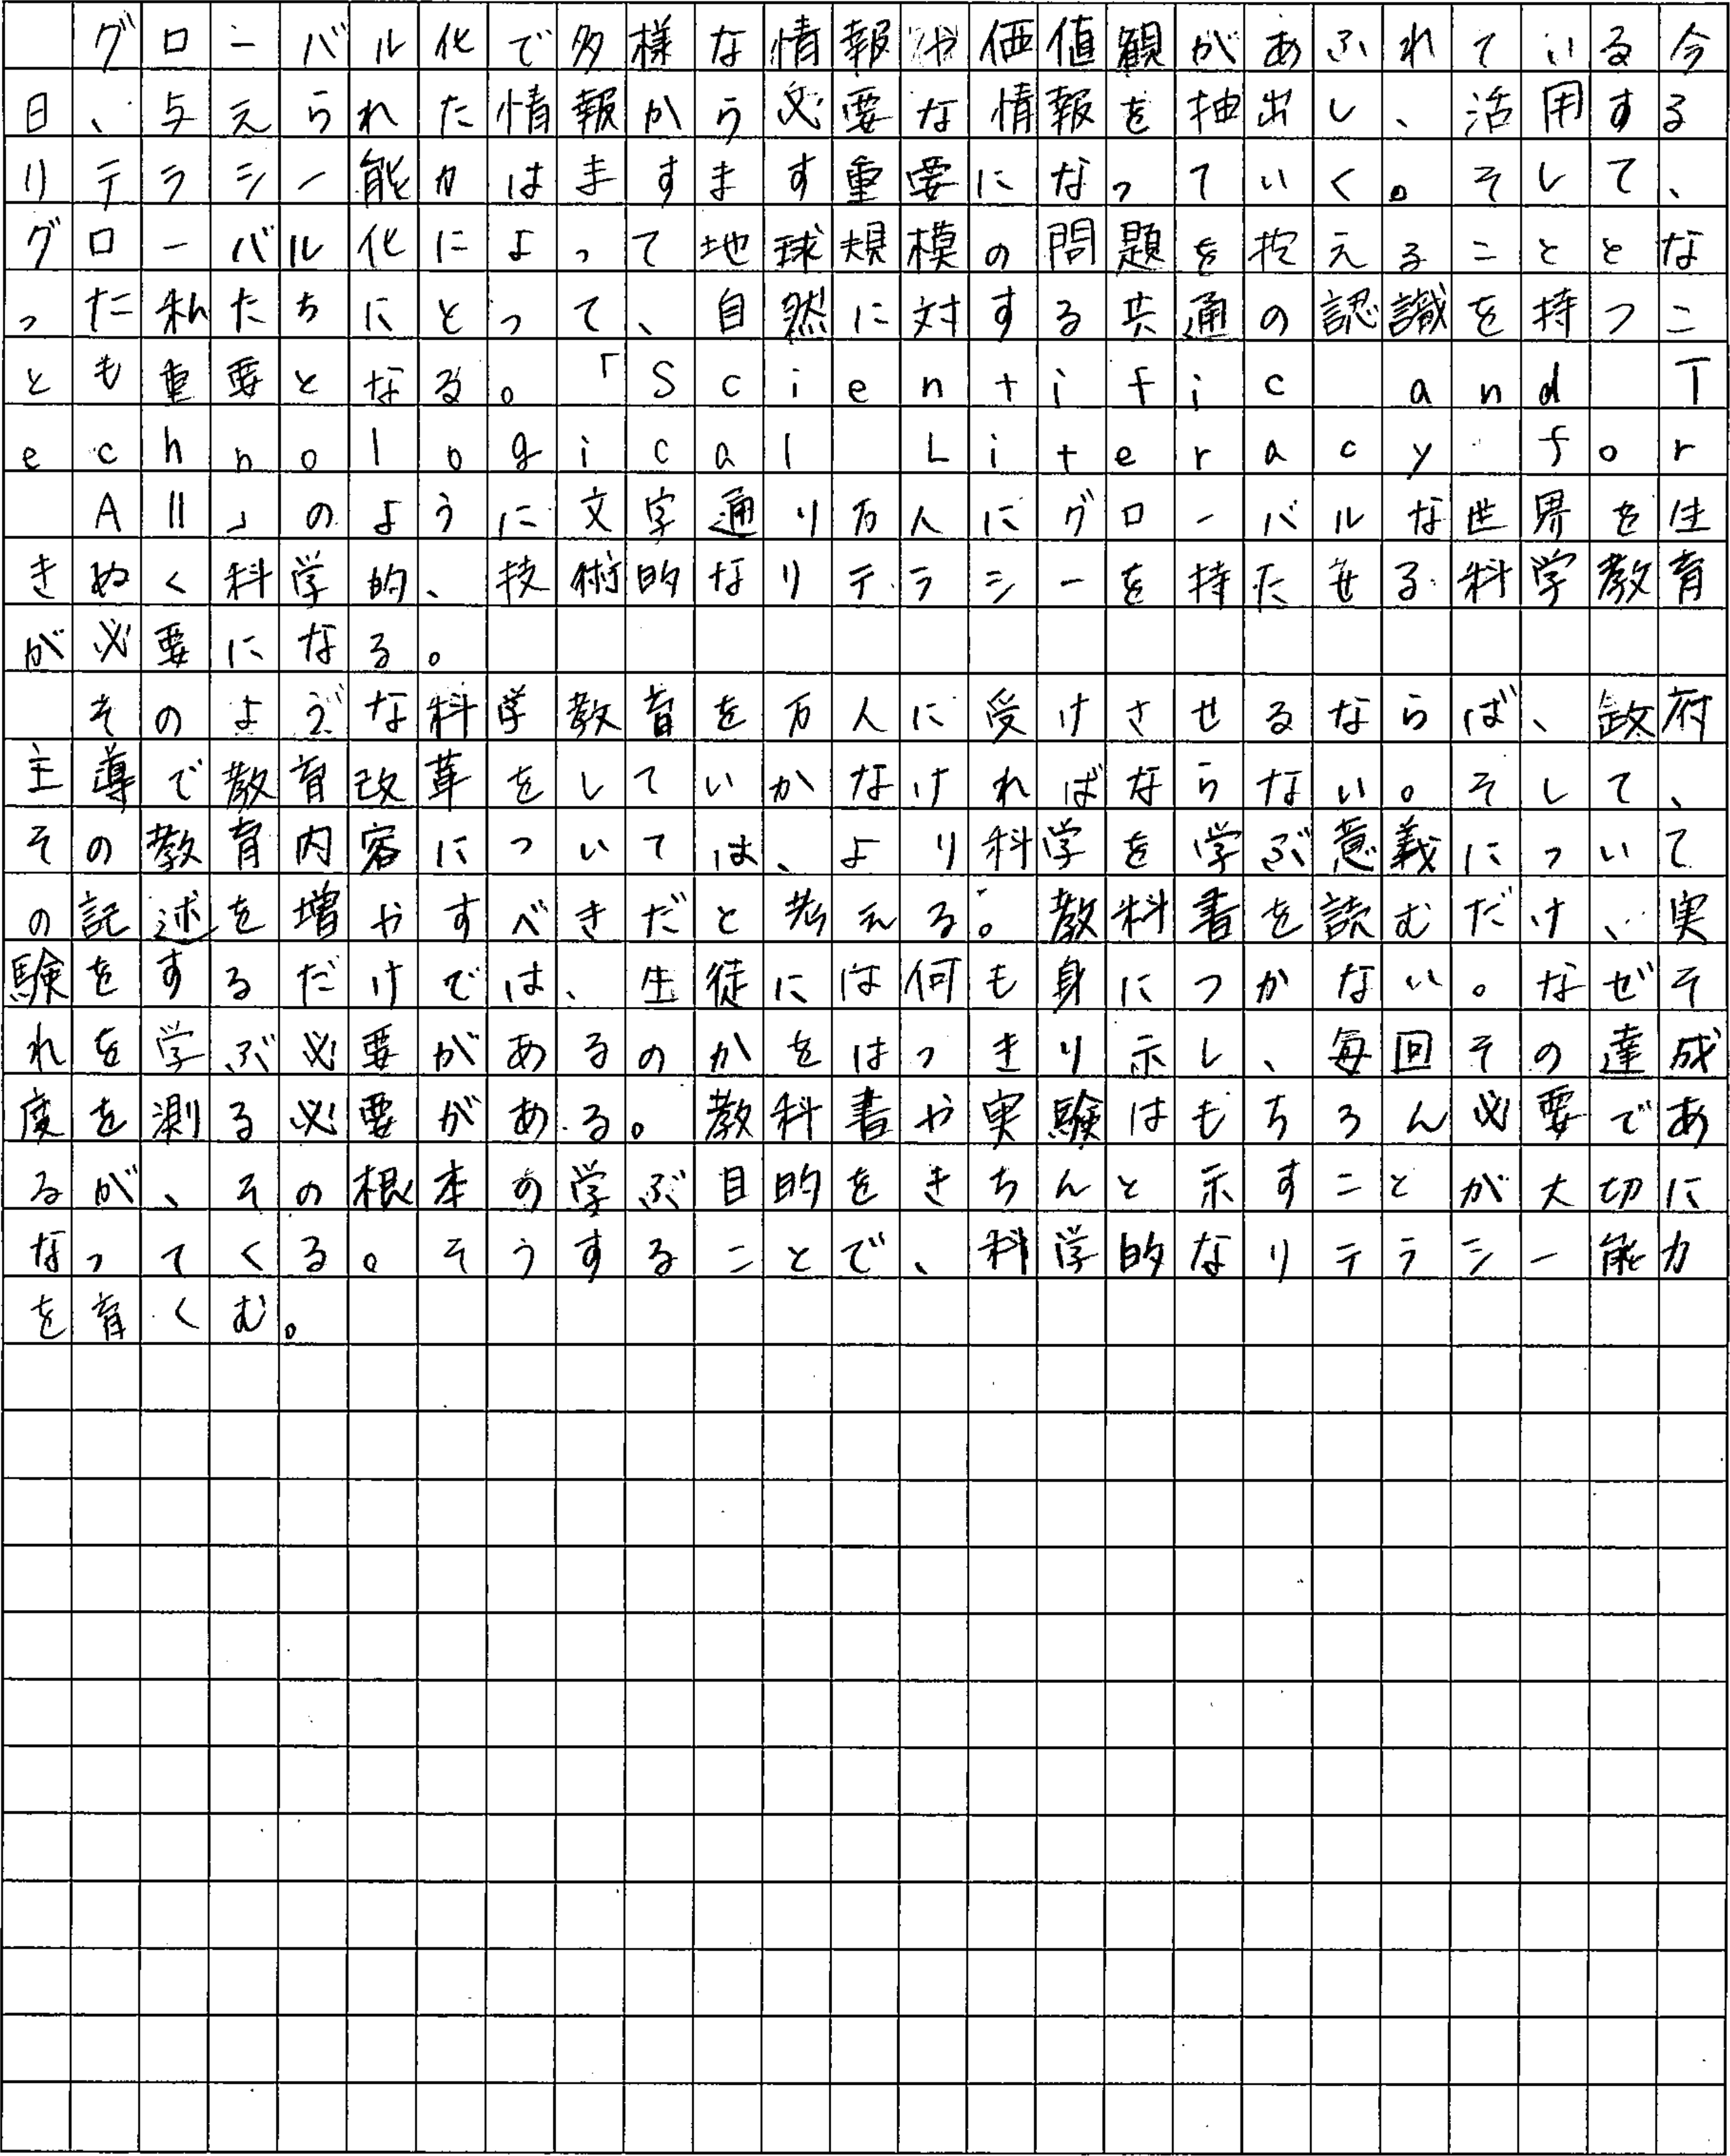　グローバル化で多様な情報や価値観があふれている今日、与えられた情報から必要な情報を抽出し、活用するリテラシー能力はますます重要になっていく。そして、グローバル化によって地球規模の問題を抱えることとなった私たちにとって、自然に対する共通の認識を持つことも重要となる。「Ｓｃｉｅｎｔｉｆｉｃ　ａｎｄ　Ｔｅｃｈｎｏｌｏｇｉｃａｌ　Ｌｉｔｅｒａｃｙ　ｆｏｒ　Ａｌｌ」のように文字通り万人にグローバルな世界を生きぬく科学的、技術的なリテラシーを持たせる科学教育が必要になる。
　そのような科学教育を万人に受けさせるならば、政府主導で教育改革をしていかなければならない。そして、その教育内容については、より科学を学ぶ意義についての記述を増やすべきだと考える。教科書を読むだけ、実験をするだけでは、生徒には何も身につかない。なぜそれを学ぶ必要があるのかをはっきり示し、毎回その達成度を測る必要がある。教科書や実験はもちろん必要であるが、その根本の学ぶ目的をきちんと示すことが大切になってくる。そうすることで、科学的なリテラシー能力を育くむ。
